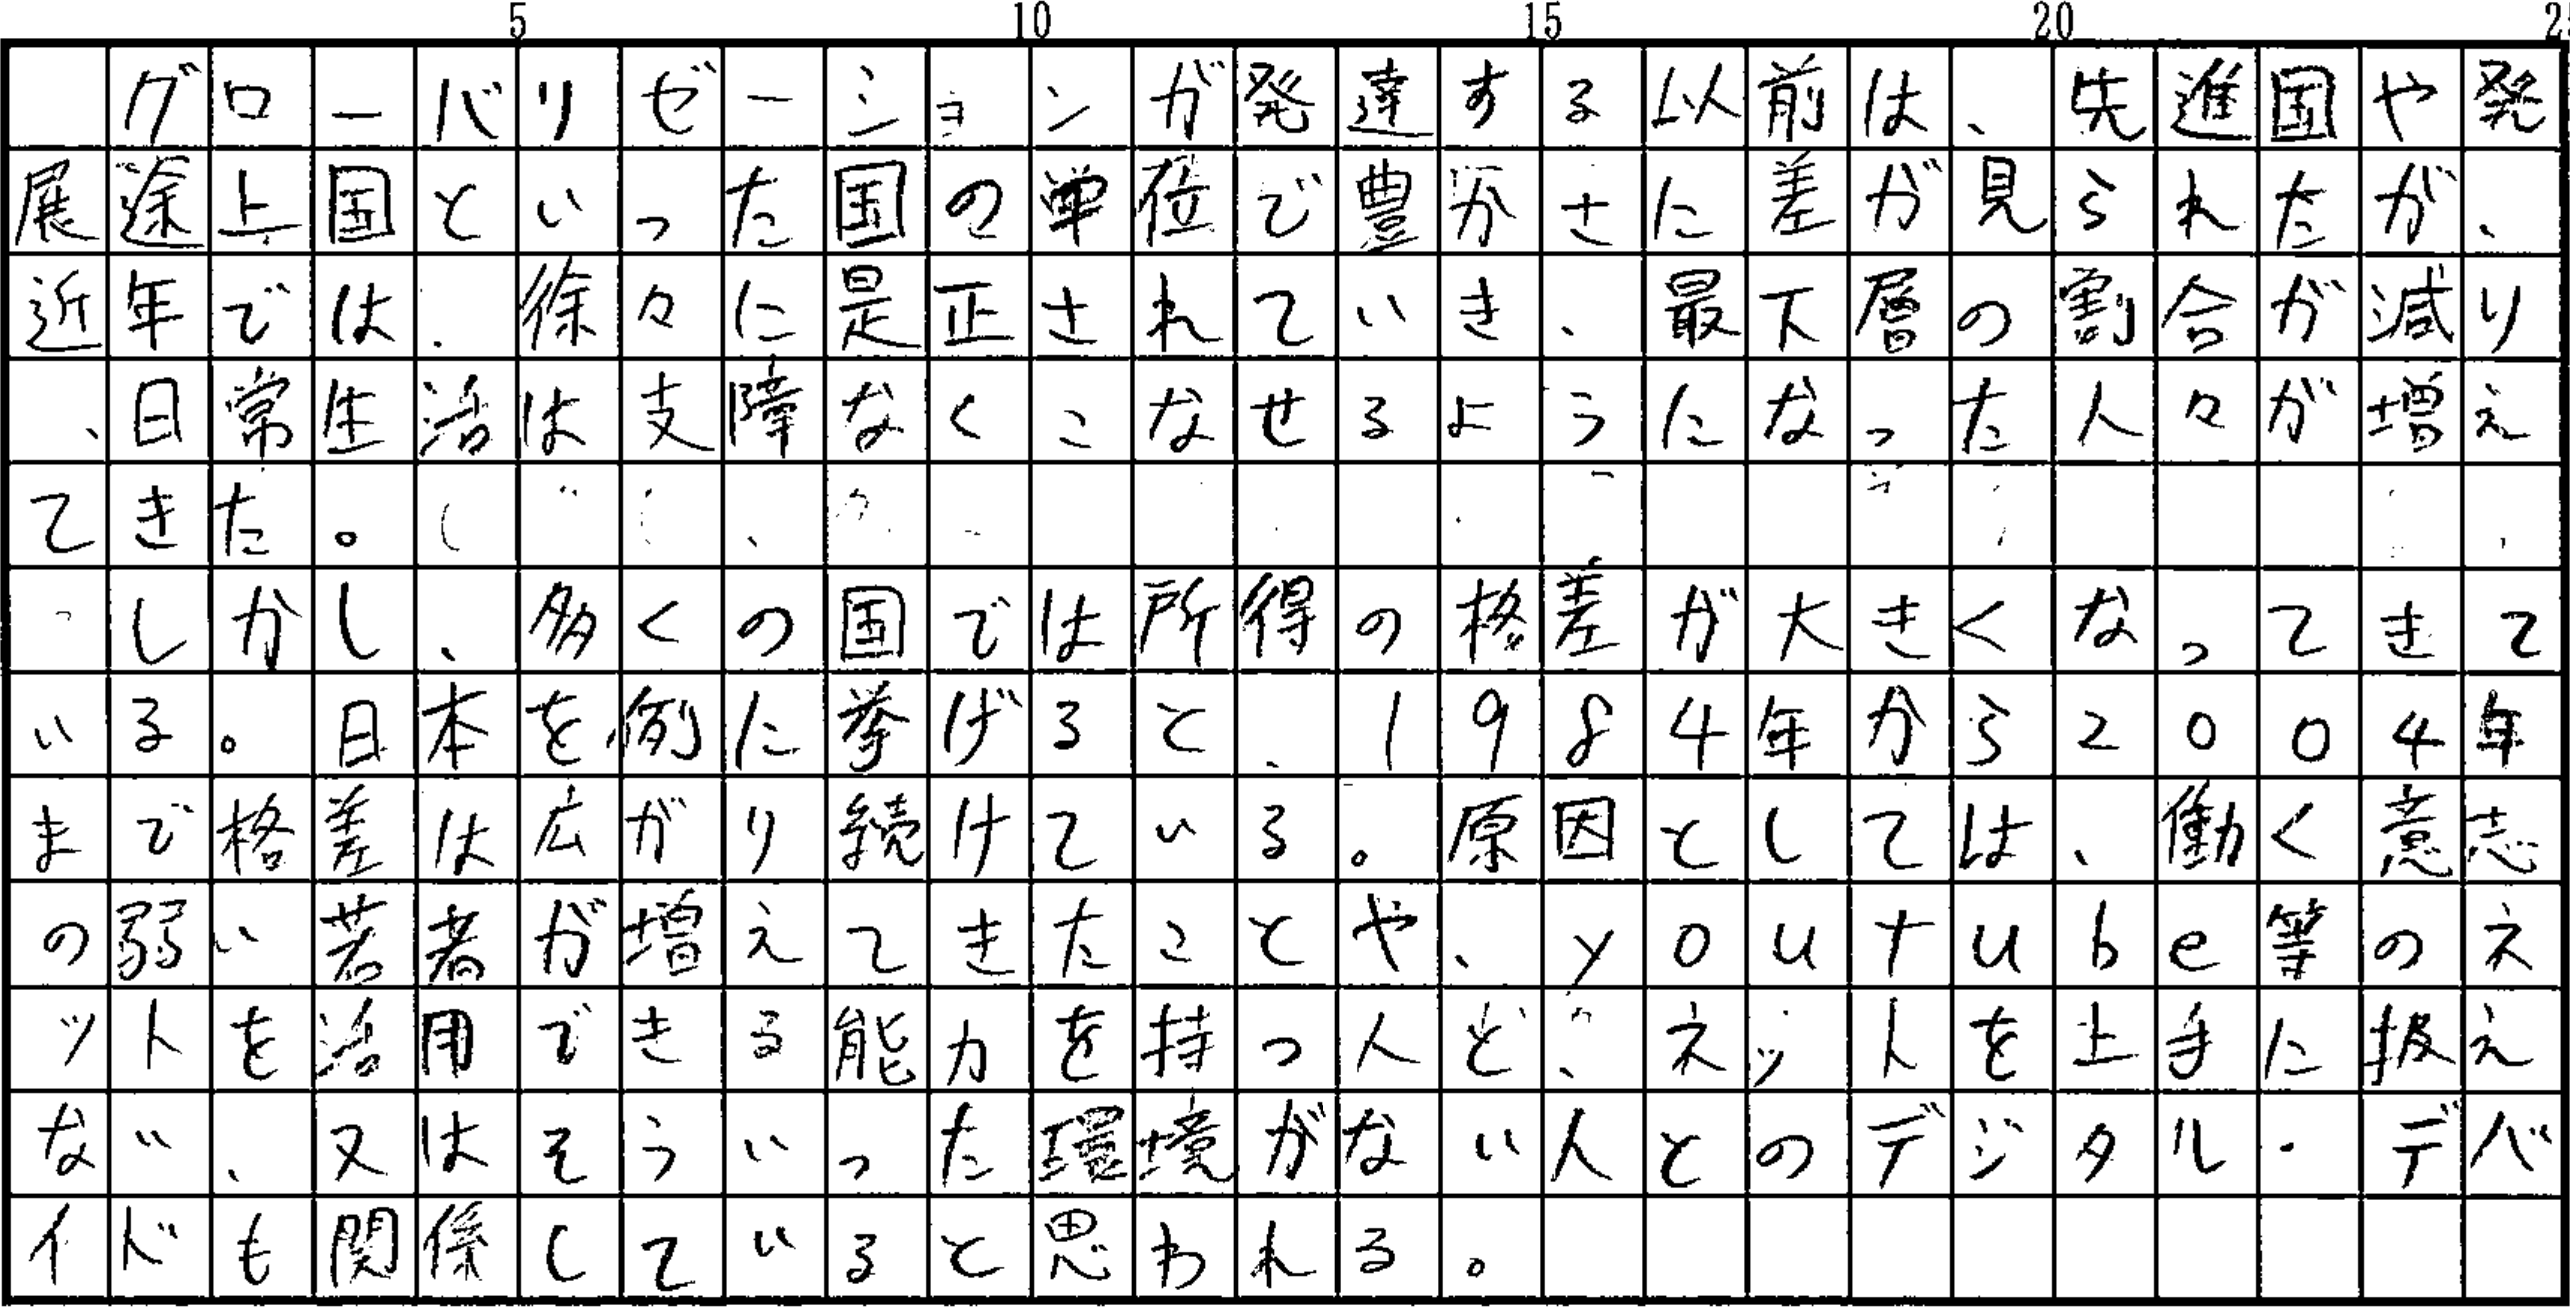　グローバリゼーションが発▁する以前は、先進国や発展途上国といった国の単位で豊かさに差が見られたが、近年では、徐々に是正されていき、最下層の割合が減り、日常生活は支障なくこなせるようになった人が増えてきた。
　しかし、多くの国では所得の格差が大きくなってきている。日本を例に挙げると、１９８４年から２００４年まで格差は広がり続けている。原因としては、働く意志の弱い若者が増えてきたことや、ｙｏｕｔｕｂｅ等のネットを活用できる能力を持つ人と、ネットを上手に扱えない、又はそういった環境がない人とのデジタル・デバイトも関係していると思われる。
